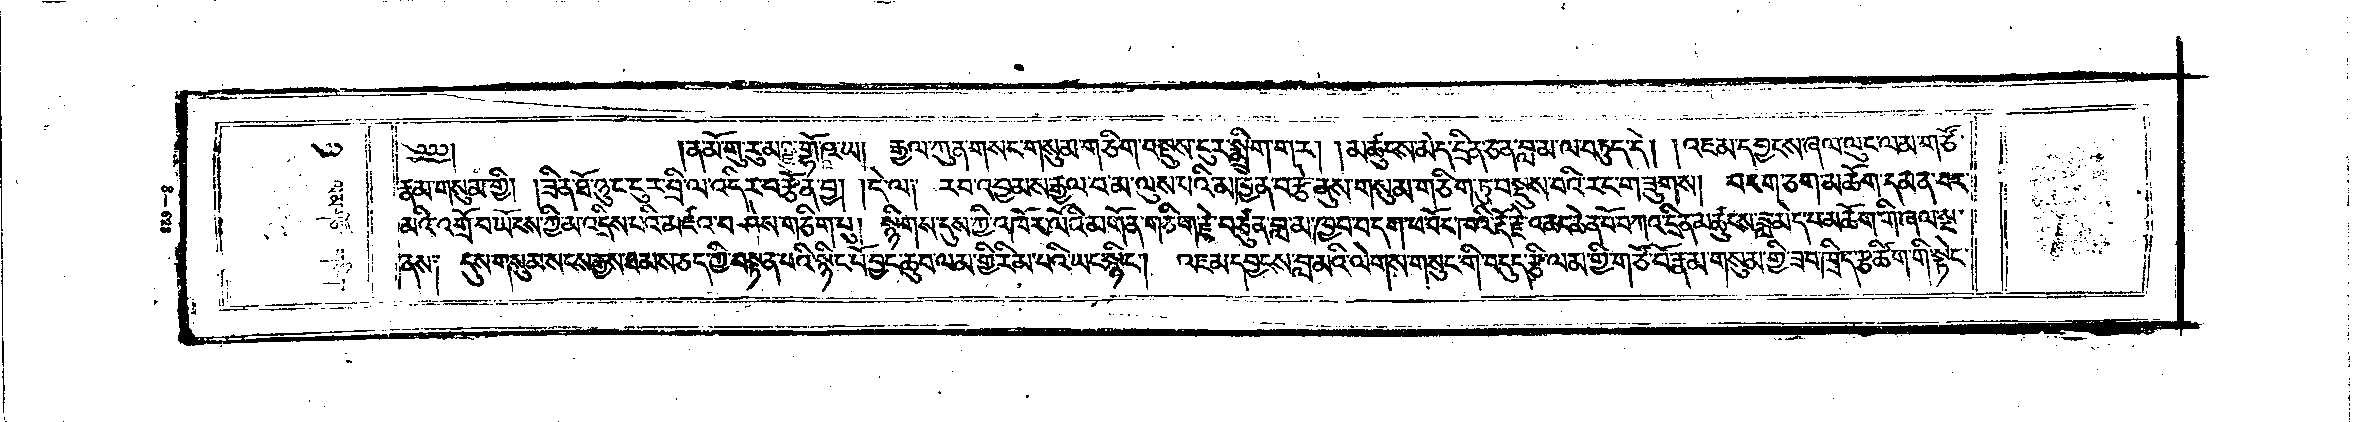༄༅༅། །ན་མོ་གུ་རུ་མཉྫུ་གྷོཥཱ་ཡ། རྒྱལ་ཀུན་གསང་གསུམ་གཅིག་བསྡུས་ངུར་སྨྲིག་གར། །མཚུངས་མེད་དྲིན་ཅན་བླ་མ་ལ་བཏུད་དེ། །འཇམ་དབྱངས་ཞལ་ལུང་ལམ་གཙོ་
རྣམ་གསུམ་གྱི། །ཟིན་ཐོ་ཉུང་ངུར་བྲི་ལ་འདིར་བརྩོན་བྱ། །དེ་ལ༑ རབ་འབྱམས་རྒྱལ་བ་མ་ལུས་པའི་མཁྱེན་བརྩེ་ནུས་གསུམ་གཅིག་ཏུ་བསྡུས་པའི་རང་གཟུགས། བདག་ཅག་མཆོག་དམན་བར་
མའི་འགྲོ་བ་ཡོངས་ཀྱི་མ་འདྲིས་པའི་མཛའ་བཤེས་གཅིག་པུ། སྙིགས་དུས་ཀྱི་འཁོར་ལོའི་མགོན་གཅིག་རྗེ་བཙུན་བླ་མ་ཁྱབ་བདག་ཕ་བོང་ཁའི་རྡོ་རྗེ་འཆང་ཆེན་པོ་བཀའ་དྲིན་མཚུངས་ཟླ་མེད་པ་མཆོག་གི་ཞལ་སྔ་
ནས༑ དུས་གསུམ་སངས་རྒྱས་ཐམས་ཅད་ཀྱི་བསྟན་པའི་སྙིང་པོ་བྱང་ཆུབ་ལམ་གྱི་རིམ་པའི་ཡང་སྙིང་། འཇམ་དབྱངས་བླ་མའི་ལེགས་གསུང་གི་བདུད་རྩི་ལམ་གྱི་གཙོ་བོ་རྣམ་གསུམ་གྱི་ཟབ་ཁྲིད་རྩ་ཚིག་གི་སྟེང་